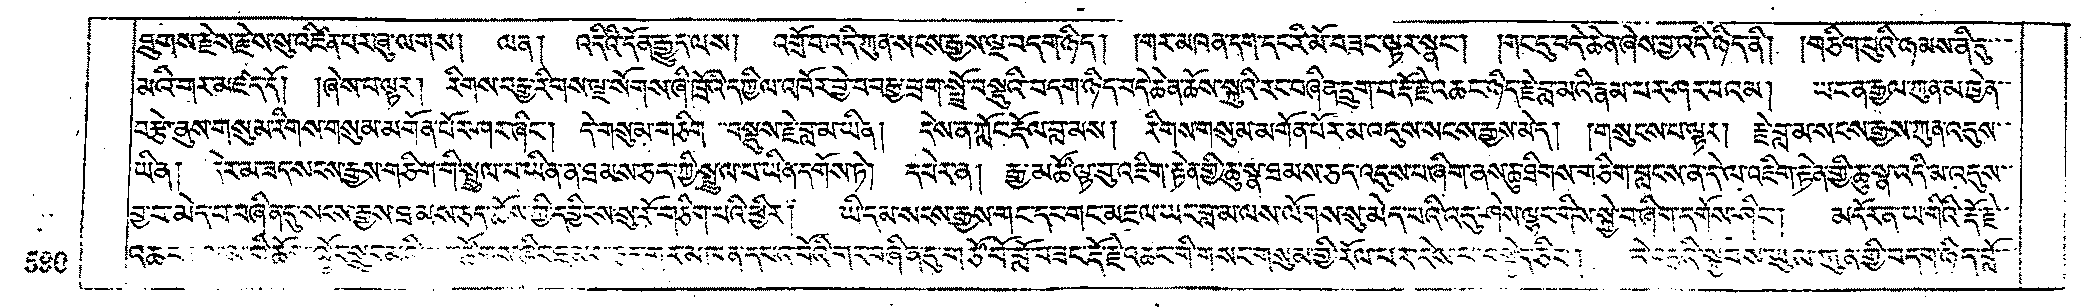ཐུགས་རྗེས་རྗེས་སུ་འཛིན་པར་ཞུ་ལགས། ལན། འདིའི་དོན་རྒྱུད་ལས། འགྲོ་བ་འདི་ཀུན་སངས་རྒྱས་ལྔ་བདག་ཉིད། །གར་མཁན་དག་དང་རི་མོ་བཟང་ལྟར་སྣང་། །གང་དུ་བདེ་ཆེན་ཞེས་བྱ་འདི་ཉིད་ནི། །གཅིག་པུའི་ཉམས་ནི་དུ་་་
མའི་གར་མཛད་དོ། །ཞེས་པ་ལྟར། རིགས་བརྒྱ་རིགས་ལྔ་སོགས་ཞི་ཁྲོའི་དཀྱིལ་འཁོར་བྱེ་བ་བརྒྱ་ཕྲག་སྤྲོ་བསྡུའི་བདག་ཉིད་བདེ་ཆེན་ཆོས་སྐུའི་རང་བཞིན་དྲུག་པ་རྡོ་རྗེ་འཆང་ཉིད་རྗེ་བླ་མའི་རྣམ་པར་ཤར་བའམ། ཡང་ན་རྒྱལ་ཀུན་མཁྱེན་་་
བརྩེ་ནུས་གསུམ་རིགས་གསུམ་མགོན་པོར་ཤར་ཞིང་། དེ་གསུམ་གཅིག་་་བསྡུས་རྗེ་བླ་མ་ཡིན། དེས་ན་ཀློང་རྡོལ་བླ་མས། རིགས་གསུམ་མགོན་པོར་མ་འདུས་སངས་རྒྱས་མེད། །གསུངས་པ་ལྟར། རྗེ་བླ་མ་སངས་རྒྱས་ཀུན་འདུས་་་
ཡིན། དེར་མ་ཟད་སངས་རྒྱས་གཅིག་གི་སྤྲུལ་པ་ཡིན་ན་ཐམས་ཅད་ཀྱི་སྤྲུལ་པ་ཡིན་དགོས་ཏེ། དཔེར་ན། རྒྱ་མཚོ་ལྟ་བུ་འཇིག་རྟེན་གྱི་ཆུ་སྣ་ཐམས་ཅད་འདུས་པ་ཞིག་ནས་ཆུ་ཐིགས་གཅིག་བླངས་ན་དེ་ལ་འཇིག་རྟེན་གྱི་ཆུ་སྣ་འདི་མ་འདུས་་་
བྱ་བ་མེད་པ་བཞིན་དུ་སངས་རྒྱས་ཐམས་ཅད་ཆོས་ཀྱི་དབྱིངས་སུ་རོ་གཅིག་པའི་ཕྱིར། ཡི་དམ་སངས་རྒྱས་གང་དང་གང་མཇལ་ཡང་བླ་མ་ལས་ལོགས་སུ་མེད་པའི་འདུ་ཤེས་ལྷང་གིས་སྐྱེ་བ་ཞིག་དགོས་ཤིང་། མདོར་ན་ཡ་གིའི་རྡོ་རྗེ་་་
འཆང་ནས་མ་གི་ཆོས་སྐྱོང་སྲུང་མའི་བར་ཚོགས་ཞིང་ཐམས་ཅད་གར་མཁན་དཔའ་བོའི་གར་བཞིན་དུ་གཙོ་བོ་བློ་བཟང་རྡོ་རྗེ་འཆང་གི་གསང་གསུམ་གྱི་རོལ་པར་ངེས་པར་བསྐྱེད་ཅིང་། དེ་འདྲའི་སྐྱབས་ཡུལ་ཀུན་གྱི་བདག་ཉིད་བློ་་་